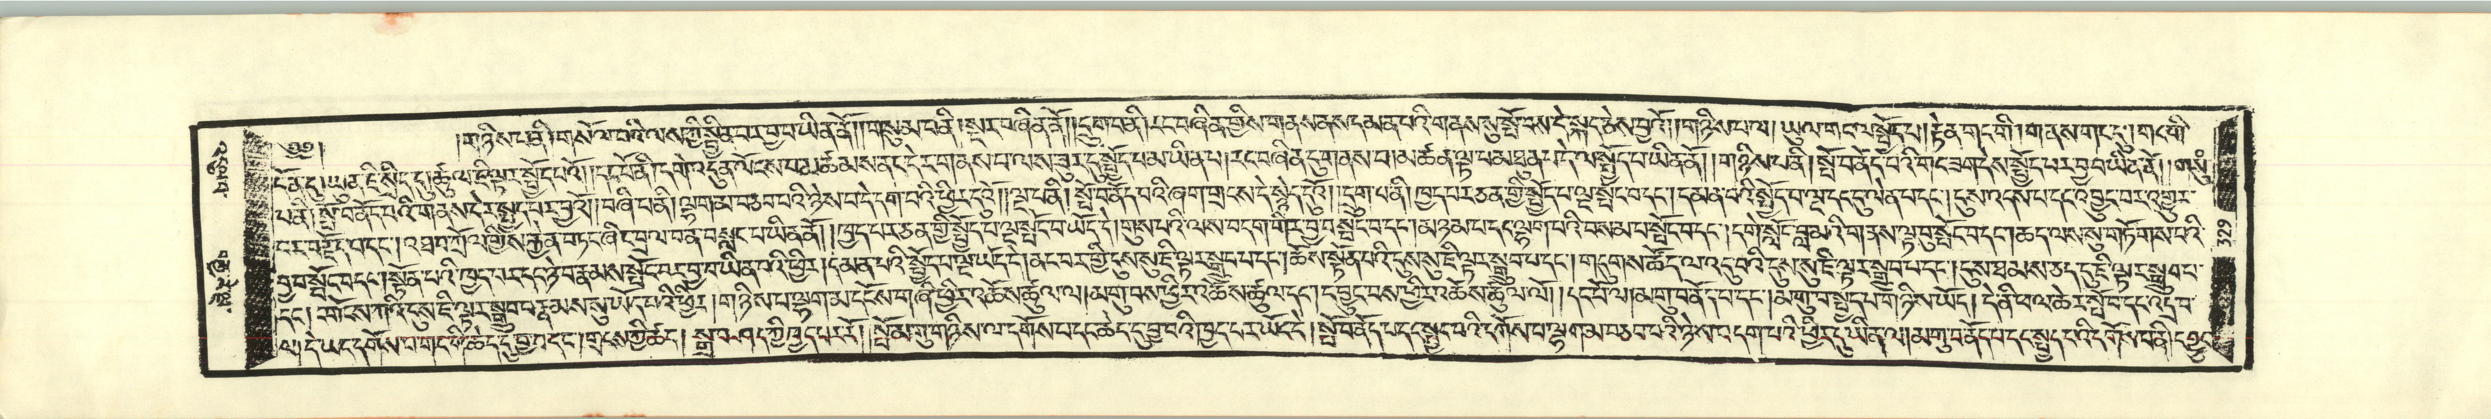༄༅། །གཉིས་པ་ནི། གསོལ་བའི་ལས་ཀྱི་སྦྱིན་པར་བྱ་བ་ཡིན་ནོ། །གསུམ་པ་ནི། སྔར་བཞིན་ནོ། །དྲུག་པ་ནི། རང་བཞིན་གྱིས་གནས་ནས་དམན་པའི་གནས་སུ་སྤོ་བས་དེ་སྐད་ཅེས་བྱའོ། །གཉིས་པ་ལ། ཡུལ་གང་ལ་སྤྱོད་པ། རྟེན་གང་གི །གནས་གང་དུ། གང་གི་
དོན་དུ། ཡུན་ཇི་སྲིད་དུ། ཚུལ་ཇི་ལྟར་སྤྱོད་པའོ། །དང་པོ་ནི། དགེ་འདུན་ལོངས་པ་མཚམས་ནང་དེར་གནས་པ་ལས་ཟུར་དུ་སྤྱོད་པ་མ་ཡིན་པ། རང་བཞིན་དུ་གནས་པ། མཚན་ལྟ་པ་མཐུན་པ་དེ་ལ་སྤྱོད་པ་ཡིན་ནོ། །གཉིས་པ་ནི། སྤོ་བ་ནོད་པའི་གང་ཟག་དེས་སྤྱོད་པར་བྱ་བ་ཡིན་ནོ། །གསུམ་
པ་ནི། སྤོ་བ་ནོད་པའོ་གནས་དེར་སྤྱད་པར་བྱའོ། །བཞི་པ་ནི། ལྷག་མ་བཅབས་པའི་ཉེས་པ་དེ་དག་པའི་ཕྱིར་དུའོ། །ལྔ་པ་ནི། སྤོ་བ་ནོད་པའི་ཞག་གྲངས་དེ་སྙེད་དུའོ། །དྲུག་པ་ནི། ཁྱད་པར་ཅན་གྱི་སྤྱོད་པ་ལྔ་སྤང་བ་དང་། དམན་པའི་སྤྱོད་པ་ལྔ་དང་དུ་ལེན་པ་དང་། དུས་འདས་པ་དང་འབྱུང་བར་འགྱུར་
པར་བརྗོད་པ་དང་། འཐབ་ཁྲོལ་གྱིས་རྐྱེན་བཏང་ཞིང་བྲལ་བ་ན་བསླང་པ་ཡིན་ནོ། །ཁྱད་པར་ཅན་གྱི་སྤྱོད་པ་ལྔ་སྤོང་བ་ཡོད་དེ། གུས་པའི་ལས་བདག་གིར་བྱ་བ་སྤང་བ་དང་། མཉམ་པ་དང་ལྷག་པའི་བསམ་པ་སྤོང་བ་དང་། དགེ་སློང་བླ་མའི་གནས་ལྟ་བུ་སྤོང་བ་དང་། ཆད་ལས་སུ་གཏོགས་པའི་
བྱ་བ་སྤོང་བ་དང་། སྟོན་པའི་ཁྱད་པར་དང་ཉེ་བ་རྣམས་སྤོང་བར་བྱ་བ་ཡིན་པའི་ཕྱིར། དམན་པའི་སྤྱོད་པ་ལྔ་ཡོད་དེ། ནང་བར་གྱི་དུས་སུ་ཇི་ལྟར་སྒྲུབ་པ་དང་། ཆོས་སྟོན་པའི་དུས་སུ་ཇི་ལྟར་སྒྲུབ་པ་དང་། གདུགས་ཚོད་ལ་འདུ་བའི་དུས་སུ་ཇི་ལྟར་སྒྲུབ་པ་དང་། དུས་ཐམས་ཅད་དུ་ཇི་ལྟར་སྒྲུབ་པ་
དང་། དགོངས་ཀའི་དུས་ཇི་ལྟར་སྒྲུབ་པ་རྣམས་སུ་ཡོད་པའི་ཕྱིར། གཉིས་པ་ལྷག་མ་དངོས་གཞི་ཕྱིར་འཆོས་ཚུལ་ལ། མགུ་བས་ཕྱིར་འཆོས་ཚུལ་དང་། དབྱུང་བས་ཕྱིར་འཆོས་ཚུལ་ལོ། །དང་པོ་ལ། མགུ་བ་ནོད་པ་དང་། མགུ་བ་སྤྱད་པ་གཉིས་ཡོད། དེ་ནི་ཕལ་ཆེར་སྤོ་བ་དང་འདྲ་བ་
ལ། དེ་ཡང་དགོས་པ་གང་གི་ཆེད་དུ་བྱ་བ་དང་། གྲངས་ཀྱི་ཚད། སྒྲ་བཤད་ཀྱི་ཁྱད་པར་རོ། །སྤོ་མགུ་གཉིས་ལ་དགོས་པ་དང་ཆེད་དུ་བྱ་བའི་ཁྱད་པར་ཡོད་དེ། སྤོ་བ་ནོད་པ་དང་སྤྱད་པའི་དགོས་པ་ལྷག་མ་བཅབས་པའི་ཉེས་བདག་པའི་ཕྱིར་དུ་ཡིན་ལ། མགུ་བ་ནོད་པ་དང་སྤྱད་པའི་དགོས་པ་ནི། དབྱུང་